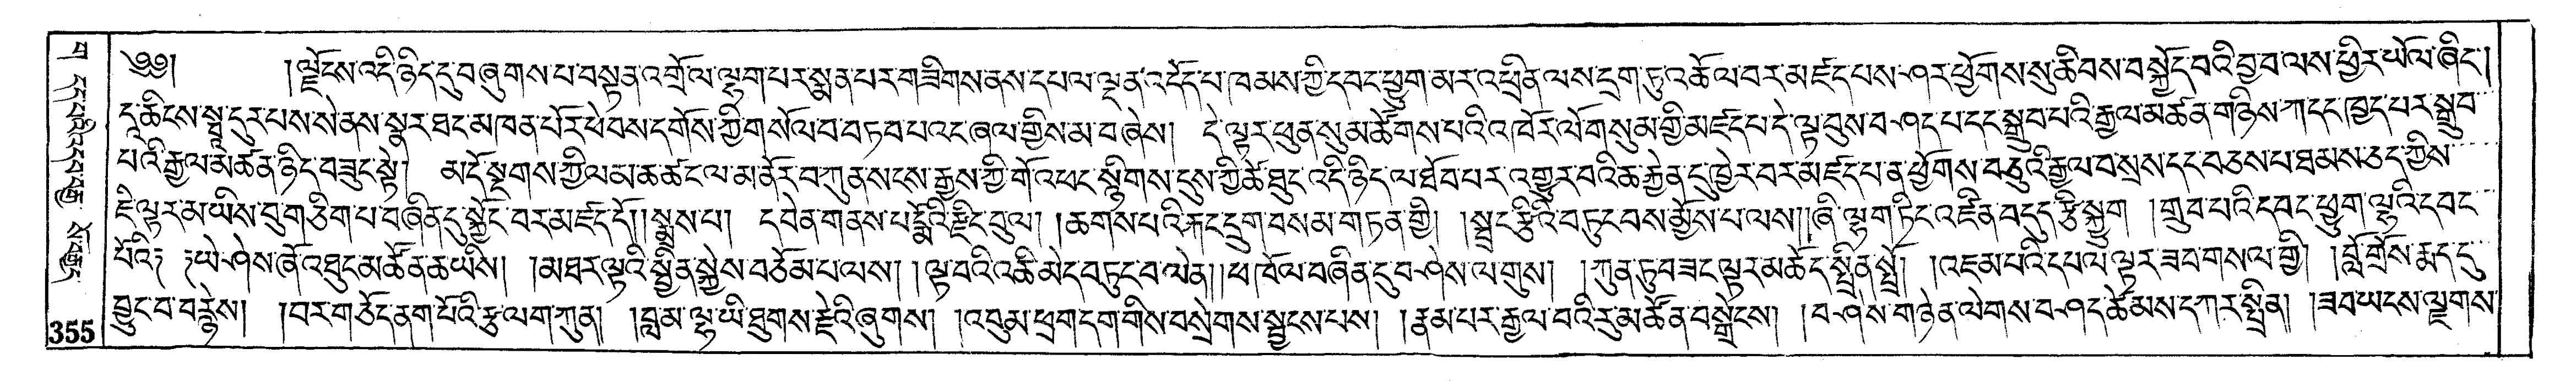༄༅། །ལྗོངས་འདི་ཉིད་དུ་བཞུགས་པ་བསྟན་འགྲོ་ལ་ལྷག་པར་སྨན་པར་གཟིགས་ནས་དཔལ་ལྡན་འདོད་པ་ཁམས་ཀྱི་དབང་ཕྱུག་མར་འཕྲིན་ལས་དྲག་ཏུ་འཆོལ་བར་མཛད་པས་ཤར་ཕྱོགས་སུ་ཆིབས་བསྐྱོང་པའི་བྱ་བ་ལས་ཕྱིར་ཡོལ་ཞིང་
དཱ་ཆིངས་སྤཱ་དུར་པས་སེ་ནས་སྣར་ཐང་མཁན་པོར་ཕེབས་དགོས་ཀྱི་གསོལ་བ་བཏབ་པའང་ཞལ་གྱིས་མ་བཞེས། དེ་ལྟར་ཕུན་སུམ་ཚོགས་པའི་འཁོར་ལོ་གསུམ་གྱི་མཛད་པ་དེ་ལྟ་བུས་བཤད་པ་དང་སྒྲུབ་པའི་རྒྱལ་མཚན་གཉིས་ཀ་དང་ཁྱད་པར་སྒྲུབ་
པའི་རྒྱལ་མཚན་ཉིད་བཟུང་སྟེ། མདོ་སྔགས་ཀྱི་ལམ་ཆ་ཚང་ལམ་ནོར་བ་ཀུན་སངས་རྒྱས་ཀྱི་གོ་འཕང་སྙིགས་དུས་ཀྱི་ཚེ་ཐུང་འདི་ཉིད་ལ་ཐོབ་པར་འགྱུར་པའི་ཆ་རྐྱེན་དུ་ཁྱེར་པར་མཛད་པ་ན་ཕྱོགས་བཅུའི་རྒྱལ་བ་སྲས་དང་བཅས་པ་ཐམས་ཅད་ཀྱིས་
ཇི་ལྟར་མ་ཡིས་བུ་གཅིག་པ་བཞིན་དུ་སྐྱོང་བར་མཛད་དོ། །སྨྲས་པ། དབེན་གནས་པདམོའི་རྫིང་བུ་ལ། །ཆགས་པའི་རྐང་དྲུག་བསམ་གཏན་གྱི། །སྦྲང་རྩིའི་བཏུང་བས་མྱོས་པ་ལས། །ཞི་ལྷག་ཏིང་འཛིན་བདུད་རྩི་སྐྱུག །གྲུབ་པའི་དབང་ཕྱུག་ལྷའི་དབང་
པོའི༑ ༑ཡེ་ཤེས་ཞོ་འཐུང་མཚོན་ཆ་ཡིས། །མཐར་ལྟའི་སྦྱིན་སྐྱེས་བཅོམ་པ་ལས། །ལྟ་བའི་འཆི་མེད་བཏུང་བ་ལེན། །ཕ་ཁོལ་བཞིན་དུ་བཤེས་ལ་གུས། །ཀུན་ཏུ་བཟང་ལྟར་མཆོད་སྦྲིན་སྤྲོ། །འཇམ་པའི་དཔལ་ལྟར་ཟབ་གསལ་གྱི། །བློ་གྲོས་རྨད་དུ་
བྱུང་བ་བརྙེས། །བར་གཅོད་ནག་པོའི་རྩ་ལག་ཀུན། །བླ་མ་ལྷ་ཡི་ཐུགས་རྗེའི་ཞུགས། །འབུམ་ཕྲག་དག་གིས་བསྲེགས་སྦྱངས་པས། །རྣམ་པར་རྒྱལ་པའི་རུ་མཚོན་བསྒྲེངས། །བཤེས་གཉེན་ལེགས་བཤད་ཚེམས་དཀར་སྤྲིན། །ཟབ་ཡངས་ལྗགས་